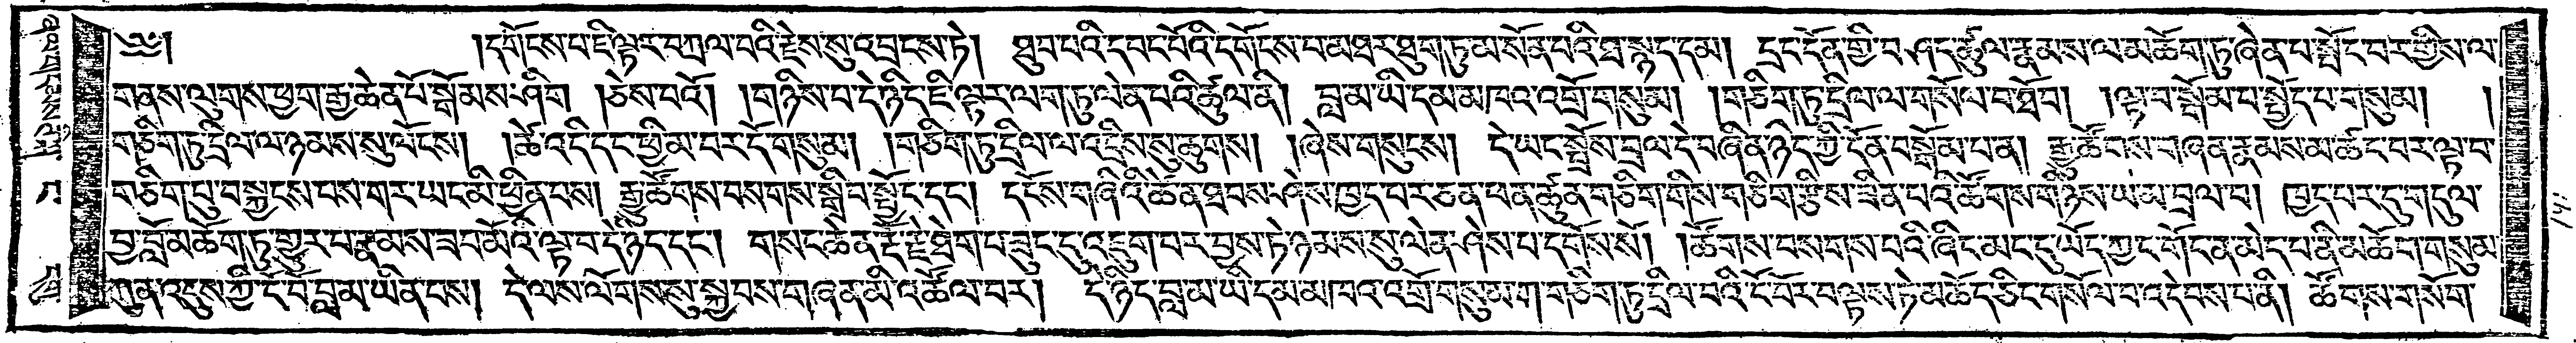༄༅། །དགོངས་པ་ཇི་ལྟར་བཀྲལ་བའི་རྗེས་སུ་འབྲངས་ཏེ། ཐུབ་པའི་དབང་པོའི་དགོངས་པ་མཐར་ཐུག་ཏུ་མ་སོན་པའི་ཐ་སྙད་དམ། དྲང་དོན་གྱི་བཤད་ཚུལ་རྣམས་ལ་མཆོག་ཏུ་ཞེན་པ་སྤོང་བར་གྱིས་ལ་
གནས་ལུགས་ཕྱག་རྒྱ་ཆེན་པོ་སྒོམས་ཤིག །ཅེས་པའོ། །གཉིས་པ་དེ་ཉིད་ཇི་ལྟར་ལག་ཏུ་ལེན་པའི་ཚུལ་ནི། བླ་མ་ཡི་དམ་མཁའ་འགྲོ་གསུམ། །གཅིག་ཏུ་དྲིལ་ལ་གསོལ་བ་ཐོབ། །ལྟ་བ་སྒོམ་པ་སྤྱོད་པ་གསུམ། །
གཅིག་ཏུ་དྲིལ་ལ་ཉམས་སུ་ལོངས། །ཚེ་འདི་དང་ཕྱི་མ་བར་དོ་གསུམ། །གཅིག་ཏུ་དྲིལ་ལ་འདྲིས་སུ་ཆུགས། །ཞེས་གསུངས། དེ་ཡང་སྤྲོས་བྲལ་དེ་བཞིན་ཉིད་ཀྱི་དོན་བསྒོམ་པ་ན། རྒྱུ་ཚོགས་གཞན་རྣམས་མ་ཚང་བར་ལྟ་བ་
གཅིག་པུ་བསྐྱངས་པས་གར་ཡང་མི་ཕྱིན་པས། རྒྱུ་ཚོགས་བསགས་སྒྲིབ་སྦྱོང་དང་། དངོས་གཞིའི་ཚེ་ན་ཐབས་ཤེས་ཁྱད་པར་ཅན་ཕན་ཚུན་གཅིག་གིས་གཅིག་རྩིས་ཟིན་པའི་ཚོགས་གཉིས་ཡ་མ་བྲལ་བ། ཁྱད་པར་དུ་གདུལ་
བྱ་བློ་མཆོག་ཏུ་གྱུར་བ་རྣམས་ཟབ་མོའི་ལྟ་བ་དེ་ཉིད་དང་། གསང་ཆེན་རྡོ་རྗེ་ཐེག་པ་ཟུང་དུ་འཇུག་པར་བྱས་ཏེ་ཉམས་སུ་ལེན་ཤེས་པ་དགོས་སོ། །ཚོགས་བསགས་པའི་ཞིང་མང་དུ་ཡོད་ཀྱང་གོང་ན་མེད་པ་ནི་མཆོག་གསུམ་
ཀུན་འདུས་ཀྱི་ངོ་བོ་བླ་མ་ཡིན་པས། །དེ་ལས་ལོགས་སུ་སྐྱབས་གཞན་མི་འཚོལ་བར། དེ་ཉིད་བླ་མ་ཡི་དམ་མཁའ་འགྲོ་གསུམ་ག་གཅིག་ཏུ་དྲིལ་བའི་ངོ་བོར་བལྟས་ཏེ་མཆོད་ཅིང་གསོལ་བ་འདེབས་པ་ནི། ཚོགས་གསོག་